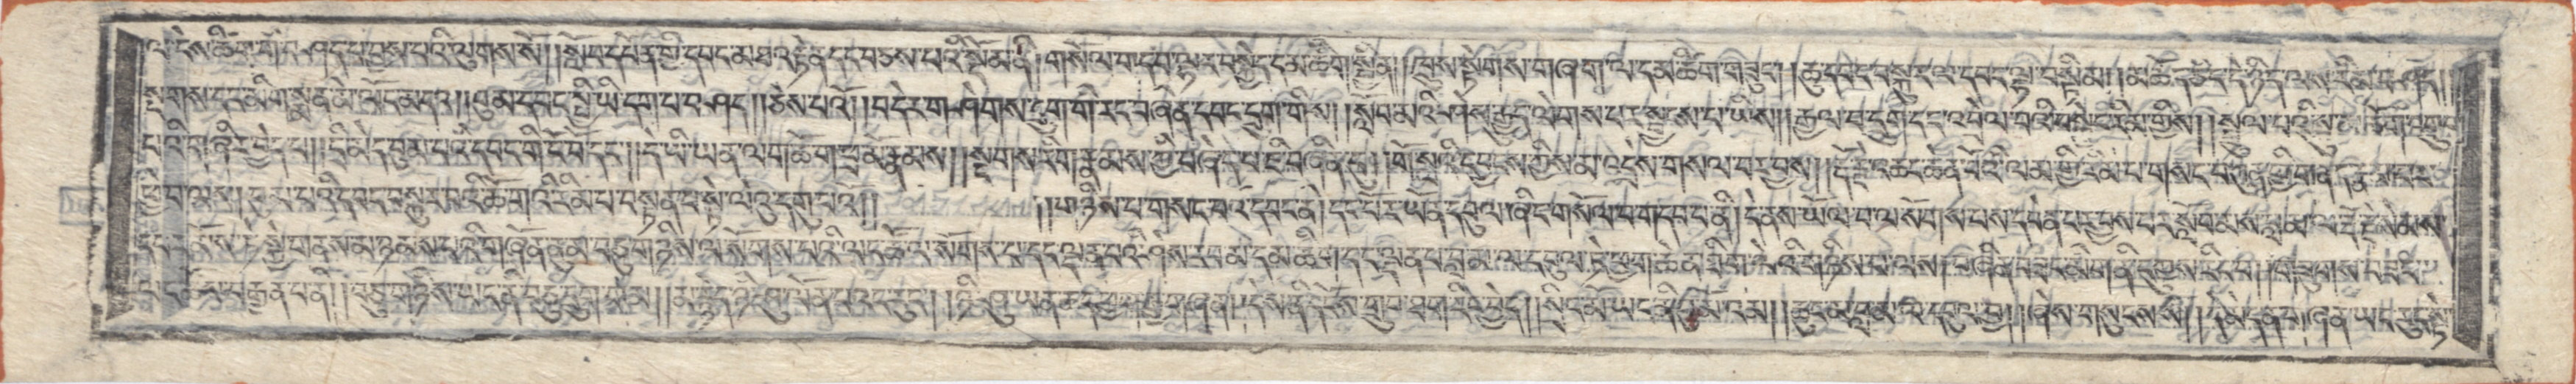ལ་ངེས་ཚིག་གི་བཤད་པ་བྱས་པའི་ལུགས་སོ། །སློབ་དཔོན་གྱི་དབང་མཐའ་རྟེན་དང་བཅས་པའི་སྡོམ་ནི། གསོལ་གདབ་ལྷར་བསྐྱེད་དམ་ཚིག་སྦྱིན། །ཁྲུས་སྟེགས་གཞག་ལ་དམ་ཚིག་གཟུང་། །ཆུ་དབང་བསྐུར་ལ་དབང་ལྷ་བསྟིམ། །མཆོད་ཅིང་དེ་ཉིད་ལས་རིམ་བཤད།།
སྔགས་དང་མིག་སྨན་མེ་ལོང་མདའ། །བུམ་དབང་སྤྱི་ཡི་དག་པ་བཤད། །ཅེས་པའོ། །བདེར་གཤེགས་དྲུག་གི་རང་བཞིན་དབང་དྲུག་གིས། །སློབ་མའི་ཤེས་རྒྱུད་ལེགས་པར་སྦྱངས་པ་ཡིས། །རྒྱལ་བ་དྲུག་དང་འབྲེལ་བའི་བསྐྱེད་རིམ་གྱིས། །སྤྲུལ་པའི་སྐུ་མཆོག་འགྲུབ་
པའི་གཞིར་བྱེད་པ། །དྲི་མེད་བུམ་པའི་དབང་གི་ངོ་བོ་དང་། །དེ་ཡི་ཡན་ལག་ཆོ་ག་ཕྲ་མོ་རྣམས། །སྔགས་རིག་རྣམས་ཀྱི་བཞེད་པ་ཇི་བཞིན་དུ། །གོ་སླའི་དབྱངས་ཀྱིས་མ་འདྲེས་གསལ་བར་བྱས། །རྡོ་རྗེ་འཆང་ཆེན་པོའི་ལམ་གྱི་རིམ་པ་གསང་བ་ཀུན་གྱི་གནད་རྣམ་པར་
ཕྱེ་བ་ལས། བུམ་པའི་དབང་བསྐུར་བའི་ཆོ་གའི་རིམ་པ་བསྟན་པ་སྟེ་ལེའུ་དགུ་པའོ།། །།གཉིས་པ་གསང་བའི་དབང་ནི། དང་པོར་ཡོན་དབུལ་ཞིང་གསོལ་བ་གདབ་པ་ནི། དེ་ནས་ཡོལ་བ་ལ་སོགས་པས་དབེན་པར་བྱས་པར་སློབ་མས་བླ་མ་ལ་རྡོ་རྗེ་སེམས་
དཔར་མོས་ཏེ་སྐྱེ་གནས་མ་ཉམས་པའི་གཞོན་ནུ་མ་བཅུ་གཉིས་ལ་སོགས་པའི་ལང་ཚོ་ལ་སོགས་པ་དང་ལྡན་པའི་ཤེས་རབ་མ་དམ་ཚིག་དང་ལྡན་པ་བླ་མ་ལ་དབུལ་ཏེ་ཕྱག་ཆེན་ཐིག་ལེའི་གཉིས་པ་ལས། བཞིན་བཟང་མིག་ནི་དཀྱུས་རིང་བ། །གཟུགས་བཟང་
ལང་ཚོས་བརྒྱན་པ་ནི། །བཅུ་གཉིས་ཡང་ནི་བཅུ་དྲུག་གམ། །མ་རྙེད་ཉི་ཤུ་ལོན་པའང་རུང་། །ཉི་ཤུ་ཡན་ཆད་ཕྱག་རྒྱ་གཞན། །དེས་ནི་དངོས་གྲུབ་ཐག་རིང་བྱེད། །སྲིང་མོ་ཡང་ནི་བུ་མོ་འམ། །ཆུང་མ་བླ་མ་ལ་དབུལ་བྱ། །ཞེས་གསུངས་སོ། །དེ་མེད་ན་གཞན་ཡང་རུང་སྟེ།